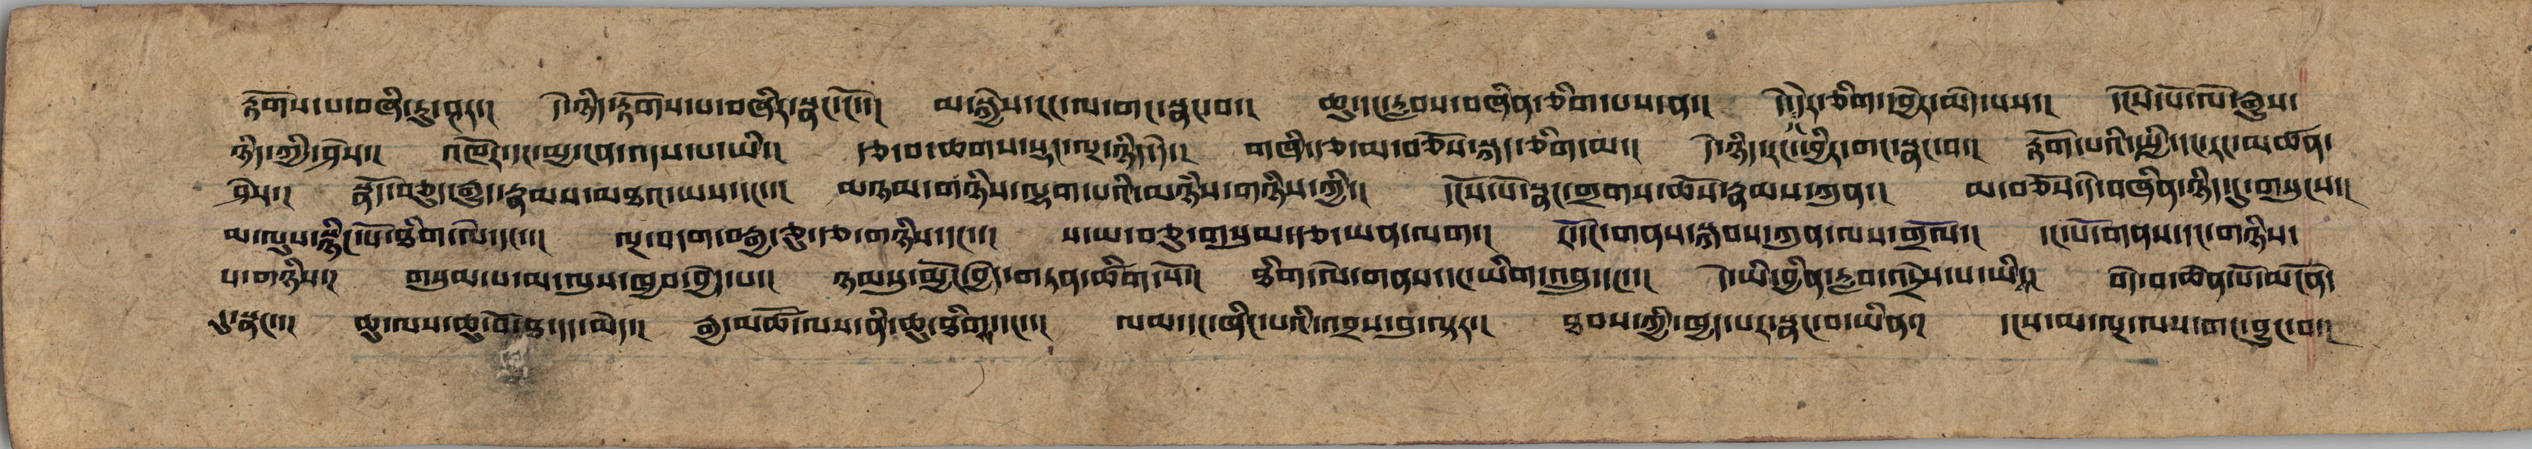རྟོགས་པ་བཞི་རུ་ཤར་། དེ་ཉིད་རྟོགས་པ་བཞིར་སྣང་ངོ་་། མ་སྐྱེས་ངང་ལ་གང་སྣང་བ་། ཆུ་དང་རླབས་བཞིན་ཅིག་པས་ན་། དེ་དང་དེར་ཅིག་དབྱེད་མེད་པས་། དངོས་པོ་ལོ་རྒྱུས་
ཉིད་ཀྱི་ཤེས་། འཁོར་དང་མྱ་ངན་འདས་པ་ཡི་། རྩ་བ་ཆགས་སྡང་ལྔ་ཉིད་དེ་། གཞི་རྩ་མ་བཅོས་སྐད་ཅིག་མ་། དེ་ཉིད་རང་ཕྱིར་གང་སྣང་བ་། རྟོག་པའི་སྤྱི་དང་རང་མཚན་
ཤེས་། སྣོད་བཅུད་རྒྱུད་རྣམས་མཐའ་ཡས་དང་་། མཉམ་གཉིས་ལྷག་པའི་མཉཾས་གཉིས་ཀྱི་། དངོས་པོ་སྣང་གྲགས་ཆོས་རྣམས་ཀུན་། མ་བཅོས་དེ་བཞིན་ཉིད་དུ་གསུངས་།
མ་ལུས་སྙིང་པོ་ཐིག་ལེ་དང་་། ལྔ་བདག་བརྒྱ་ཅུ་རྩ་གཉིས་དང་་། ས་ཡ་བཅུ་གསུམ་རྩ་ཡན་ལག་། རོ་དང་གནས་སྐབས་ཀུན་ལས་གྲོལ་། དང་པོ་གནས་དང་གཉིས་
པ་གཉིས་། གསུམ་པ་མ་ལུས་ཁྱབ་བྱེད་པ་། ཉམསུ་མྱོང་བྱེད་གཏན་ཚིག་སོ་། ཐིག་ལེ་གནས་དང་ཡིག་འབྲུ་དང་་། དེ་ཡི་བྱིན་རླབ་འདྲེས་པ་ཡི་། བདེ་བ་ཆེན་པོ་མངོན་
དུ་སྣང་་། ཆུ་ལས་ཆུ་བོ་ཐ་དད་མེད་། རྒྱ་མཚོ་ལས་ནི་ཆུ་ཐིགས་དང་་། ལམ་དང་ཞིང་པའི་འབྲས་བུ་ལྟར་། ཐབས་ཀྱི་ཁྱད་པར་སྣང་བ་ཡིན་། དངས་མ་ལྔ་ལས་གང་བྱུང་བ་།